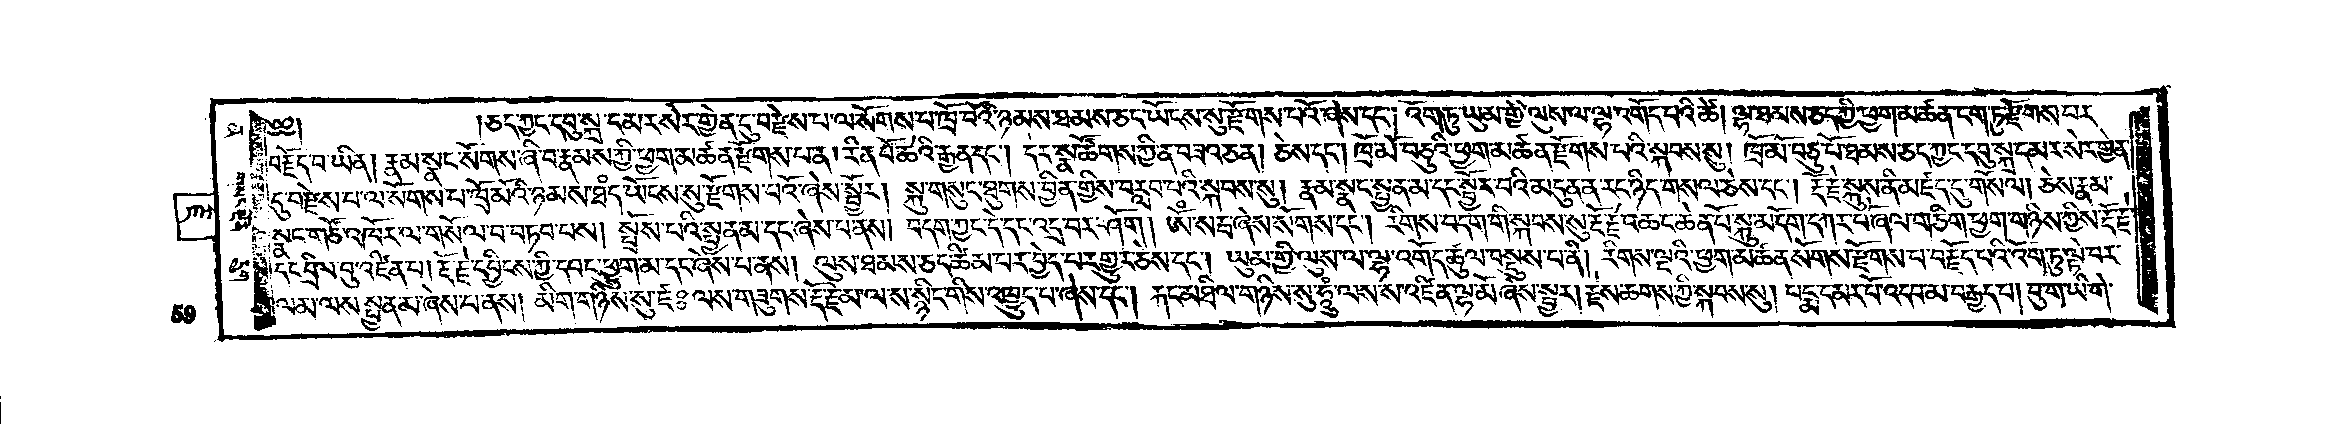༄༅། །ཅད་ཀྱང་དབུ་སྐྲ་དམར་སེར་གྱེན་དུ་བརྫེས་པ་ལ་སོགས་པ་ཁྲོ་བོའི་ཉམས་ཐམས་ཅད་ཡོངས་སུ་རྫོགས་པའོ་ཞེས་དང་། འོག་ཏུ་ཡུམ་གྱི་ལུས་ལ་ལྷ་འགོད་པའི་ཚེ། ལྷ་ཐམས་ཅད་ཀྱི་ཕྱག་མཚན་ངག་ཏུ་རྫོགས་པར་
བརྗོད་པ་ཡིན། རྣམ་སྣང་སོགས་ཞི་བ་རྣམས་ཀྱི་ཕྱག་མཚན་རྫོགས་པ་ན། རིན་པོ་ཆེའི་རྒྱན་དང་། དར་སྣ་ཚོགས་ཀྱི་ན་བཟའ་ཅན། ཅེས་དང་། ཁྲོ་མོ་བཅུའི་ཕྱག་མཚན་རྫོགས་པའི་སྐབས་སུ། ཁྲོ་མོ་བཅུ་པོ་ཐམས་ཅད་ཀྱང་དབུ་སྐྲ་དམར་སེར་གྱེན་
དུ་བརྫེས་པ་ལ་སོགས་པ་ཁྲོ་མོའི་ཉམས་ཐམས་ཅད་ཡོངས་སུ་རྫོགས་པའོ་ཞེས་སྦྱོར། སྐུ་གསུང་ཐུགས་བྱིན་གྱིས་བརླབ་པའི་སྐབས་སུ། རྣམ་སྣང་སྤྱན་མ་དང་སྦྱོར་བའི་མདུན་ན་རང་ཉིད་གསལ་ཅེས་དང་། རྡོ་རྗེ་སྐུས་ནི་མཛད་དུ་གསོལ། ཅེས་རྣམ་
སྣང་གཙོ་འཁོར་ལ་གསོལ་བ་བཏབ་པས། སྤྲོས་པའི་སྤྱན་མ་དང་ཞེས་པ་ནས། བདག་ཀྱང་དེ་དང་འདྲ་བར་ཤོག། ཨོཾ་སརྦ་ཞེས་སོགས་དང་། རིགས་བདག་གི་སྐབས་སུ་རྡོ་རྗེ་འཆང་ཆེན་པོ་སྐུ་མདོག་དཀར་པོ་ཞལ་གཅིག་ཕྱག་གཉིས་ཀྱིས་རྡོ་རྗེ་
དང་དྲིལ་བུ་འཛིན་པ། རྡོ་རྗེ་དབྱིངས་ཀྱི་དབང་ཕྱུག་མ་དང་ཞེས་པ་ནས། ལུས་ཐམས་ཅད་ཚིམ་པར་བྱེད་པར་གྱུར་ཅེས་དང་། ཡུམ་གྱི་ལུས་ལ་ལྷ་འགོད་ཚུལ་བསྡུས་པ་ནི། རིགས་ལྔའི་ཕྱག་མཚན་སོགས་རྫོགས་པ་བརྗོད་པའི་འོག་ཏུ་ལྟེ་བར་
ལམ་ལས་སྤྱན་མ་ཞེས་པ་ནས། མིག་གཉིས་སུ་ཛཿ ལས་གཟུགས་རྡོ་རྗེ་མ་ལས་སྙིང་གིས་འཁྱུད་པ་ཞེས་དང་། རྐང་མཐིལ་གཉིས་སུ་ཧཱུཾ་ལས་ས་འཛིན་ལྷ་མོ་ཞེས་སྦྱར། རྗེས་ཆགས་ཀྱི་སྐབས་སུ། པདམ་དམར་པོ་འདབ་མ་བརྒྱད་པ། བུ་ག་ཡི་གེ་